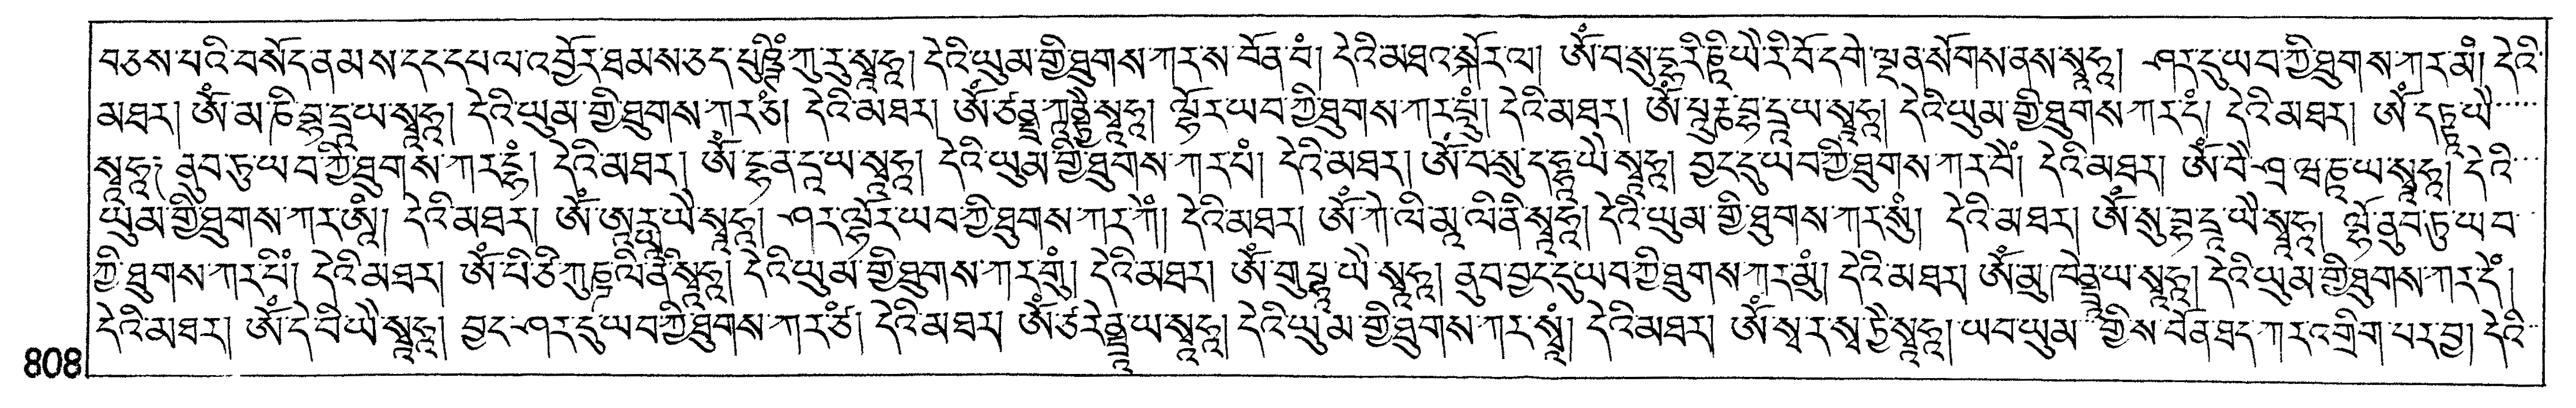བཅས་པའི་བསོད་ནམས་དང་དཔལ་འབྱོར་ཐམས་ཅད་པུཥྚིཾ་ཀུ་རུ་སྭཱཧཱ། དེའི་ཡུམ་གྱི་ཐུགས་ཀར་ས་བོན་བཾ། དེའི་མཐའ་སྐོར་ལ། ཨོཾ་བ་སུ་དྷ་རི་ཎཱི་ཡཻ་རི་བོ་དགེ་ལྡན་སོགས་ནས་སྭཱཧཱ། ཤར་དུ་ཡབ་ཀྱི་ཐུགས་ཀར་མཾ། དེའི་
མཐར། ཨོཾ་མ་ཎི་བྷ་དྲཱ་ཡ་སྭཱཧཱ། དེའི་ཡུམ་གྱི་ཐུགས་ཀར་ཅཾ། དེའི་མཐར། ཨོཾ་ཙནྡྲ་ཀཱནྟྱཻ་སྭཱཧཱ། ལྷོར་ཡབ་ཀྱི་ཐུགས་ཀར་པཱུཾ། དེའི་མཐར། ཨོཾ་པཱུརྞ་བྷ་དྲཱ་ཡ་སྭཱཧཱ། དེའི་ཡུམ་གྱི་ཐུགས་ཀར་དཾ། དེའི་མཐར། ཨོཾ་དཏྟཱ་ཡཻ་
སྭཱཧཱ༑ ནུབ་ཏུ་ཡབ་ཀྱི་ཐུགས་ཀར་དྷཾ། དེའི་མཐར། ཨོཾ་དྷ་ན་དཡ་ཡ་སྭཱཧཱ། དེའི་ཡུམ་གྱི་ཐུགས་ཀར་པཾ། དེའི་མཐར། ཨོཾ་བ་སུ་ད་ཧྷཱ་ཡཻ་སྭཱཧཱ། བྱང་དུ་ཡབ་ཀྱི་ཐུགས་ཀར་བཻཾ། དེའི་མཐར། ཨོཾ་བཻ་ཤྲ་ཝ་ཎཱ་ཡ་སྭཱཧཱ། དེའི་
ཡུམ་གྱི་ཐུགས་ཀར་ཨཱཾ། དེའི་མཐར། ཨོཾ་ཨཱ་རྱ་ཡཻ་སྭཱཧཱ། ཤར་ལྷོར་ཡབ་ཀྱི་ཐུགས་ཀར་ཀེཾ། དེའི་མཐར། ཨོཾ་ཀེ་ལི་མཱ་ལི་ནི་སྭཱཧཱ། དེའི་ཡུམ་གྱི་ཐུགས་ཀར་སུཾ། དེའི་མཐར། ཨོཾ་སུ་བྷ་དྲཱ་ཡཻ་སྭཱཧཱ། ལྷོ་ནུབ་ཏུ་ཡབ་
ཀྱི་ཐུགས་ཀར་པིཾ། དེའི་མཐར། ཨོཾ་པི་ཙི་ཀུཎྜལ་ནི་སྭཱཧཱ། དེའི་ཡུམ་གྱི་ཐུགས་ཀར་གུཾ། དེའི་མཐར། ཨོཾ་གུཕཱ་ཡཻ་སྭཱཧཱ། ནུབ་བྱང་དུ་ཡབ་ཀྱི་ཐུགས་ཀར་མུཾ། དེའི་མཐར། ཨོཾ་མུ་ཁེནྡྲཱ་ཡ་སྭཱཧཱ། དེའི་ཡུམ་གྱི་ཐུགས་ཀར་དེཾ།
དེའི་མཐར། ཨོཾ་དེ་བི་ཡཻ་སྭཱཧཱ། བྱང་ཤར་དུ་ཡབ་ཀྱི་ཐུགས་ཀར་ཙཾ། དེའི་མཐར། ཨོཾ་ཙ་རེནྡྲཱ་ཡ་སྭཱཧཱ། དེའི་ཡུམ་གྱི་ཐུགས་ཀར་སྭཱཾ། དེའི་མཐར། ཨོཾ་སྭ་ར་སྭ་ཏྱཻ་སྭཱཧཱ། ཡབ་ཡུམ་གྱི་ས་བོན་ཐད་ཀར་འགྲིག་པར་བྱ། དེའི་